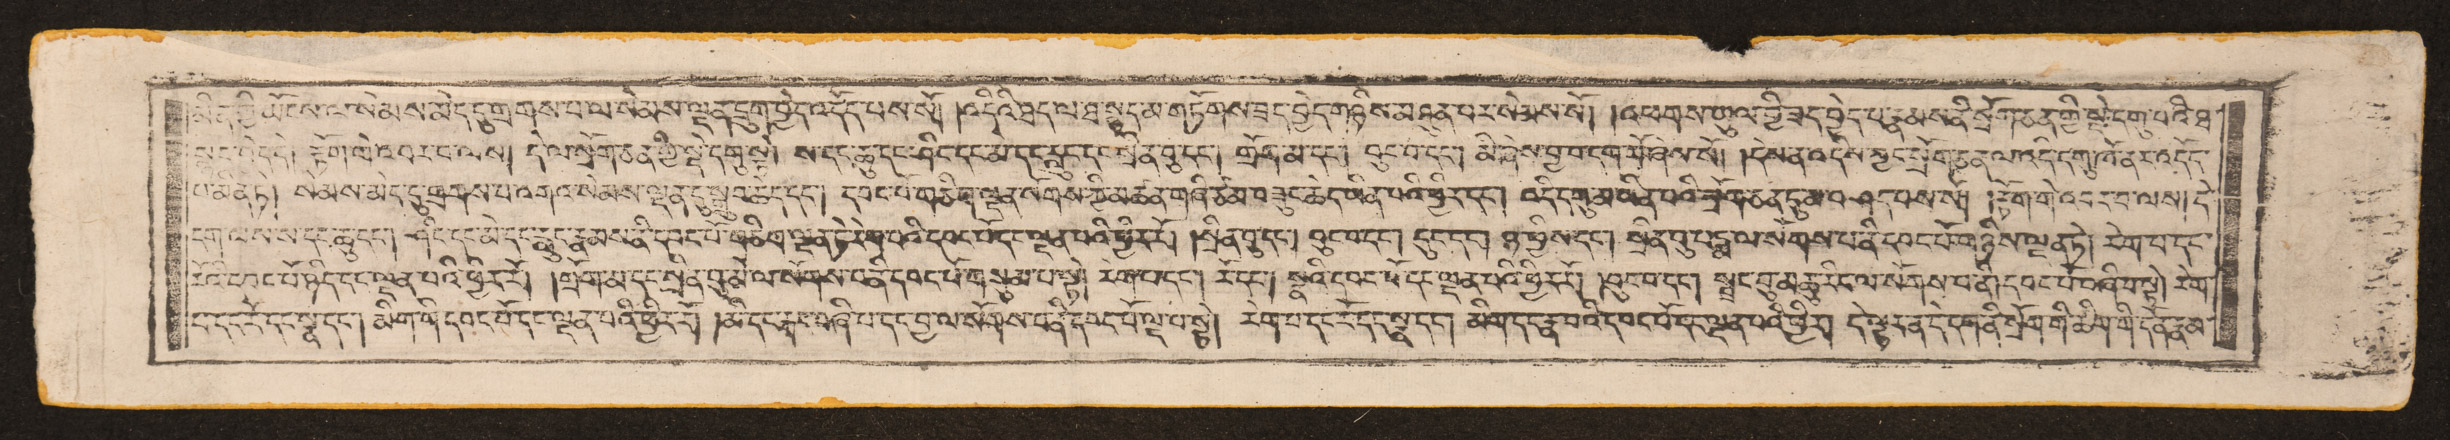མིན་གྱི་ཡོངས་ལ་སེམས་མེད་དུ་གྲགས་པ་ལ་སེམས་ལྡན་དྲུག་བྱེད་འདོད་པས་སོ། །འདིའི་ཐད་ལ་ཐ་སྙད་མ་གཏོགས་ཟད་བྱེད་གཉིས་མཐུན་པར་སེམས་སོ། །འཕགས་ཡུལ་གྱི་ཟད་བྱེད་པ་རྣམས་ནི་སྲོག་ཅན་གྱི་སྡེ་དགུ་པའི་ཐ་
སྙད་བྱེད་དེ། རྟོག་གེ་འབར་བ་ལས། དེ་ལ་སྲོག་ཅན་གྱི་སྡེ་དགུ་སྟེ། ས་དང་ཆུ་དང་ཤིང་དང་མེ་དང་རླུང་དང་སྲིན་བུ་དང་། གྲོག་མ་དང་། བུང་བ་དང་། མི་ཞེས་བྱ་བདག་གོ་ཞེས་སོ། །དེས་ན་འདིས་ཀྱང་སྲོག་ཅན་ལ་འདི་དགུ་ཁོ་ནར་འདོད་
པ་མིན་ཏེ། སེམས་མེད་དུ་གྲགས་པ་འགའ་སེམས་ལྡན་དུ་སྒྲུབ་ཆེད་དང་། དབང་པོ་གཅིག་ལྡན་སོགས་ཀྱི་མཚན་གཞི་ཙམ་བཟུང་ཆེད་ཡིན་པའི་ཕྱིར་དང་། འདི་དགུ་མ་ཡིན་པའི་སྲོག་ཅན་དུ་མ་བཤད་པས་སོ། །རྟོག་གེ་འབར་བ་ལས། དེ་
དག་ལས་ས་དང་ཆུ་དང་། ཤིང་དང་མེ་དང་རླུང་རྣམས་ནི་དབང་པོ་གཅིག་ལྡན་ཏེ་རེག་པའི་དབང་པོ་དང་ལྡན་པའི་ཕྱིར་རོ། །སྲིན་བུ་དང་། བུང་བ་དང་། དུང་དང་། ཉ་ཕྱིས་དང་། སྲིན་བུ་པདམ་ལ་སོགས་པ་ནི་དབང་པོ་གཉིས་ལྡན་ཏེ། རེག་པ་དང་
རོའི་དབང་པོ་ཉིད་དང་ལྡན་པའི་ཕྱིར་རོ། གོག་མ་དང་སྲིན་བུ་མེ་ལ་སོགས་པ་ནི་དབང་པོ་གསུམ་པ་སྟེ། རེག་པ་དང་། རོ་དང་། སྣའི་དབང་པོ་དང་ལྡན་པའི་ཕྱིར་རོ། །བུང་བ་དང་། སྦྲང་བུ་མཆུ་རིང་ལ་སོགས་པ་ནི། དབང་པོ་བཞི་པ་སྟེ། རེག་
པ་དང་རོ་དང་སྣ་དང་། མིག་གི་དབང་པོ་དང་ལྡན་པའི་ཕྱིར་རོ། །མི་དང་རྐང་བཞི་པ་དང་བྱ་ལ་སོགས་པ་ནི་དབང་པོ་ལྔ་པ་སྟེ། རེག་པ་དང་རོ་དང་སྣ་དང་། མིག་དང་རྣ་བའི་དབང་པོ་དང་ལྡན་པའི་ཕྱིར། དེ་ལྟར་ན་དེ་དག་ནི་སྲོག་གི་ཚིག་གི་དོན་རྣམ་